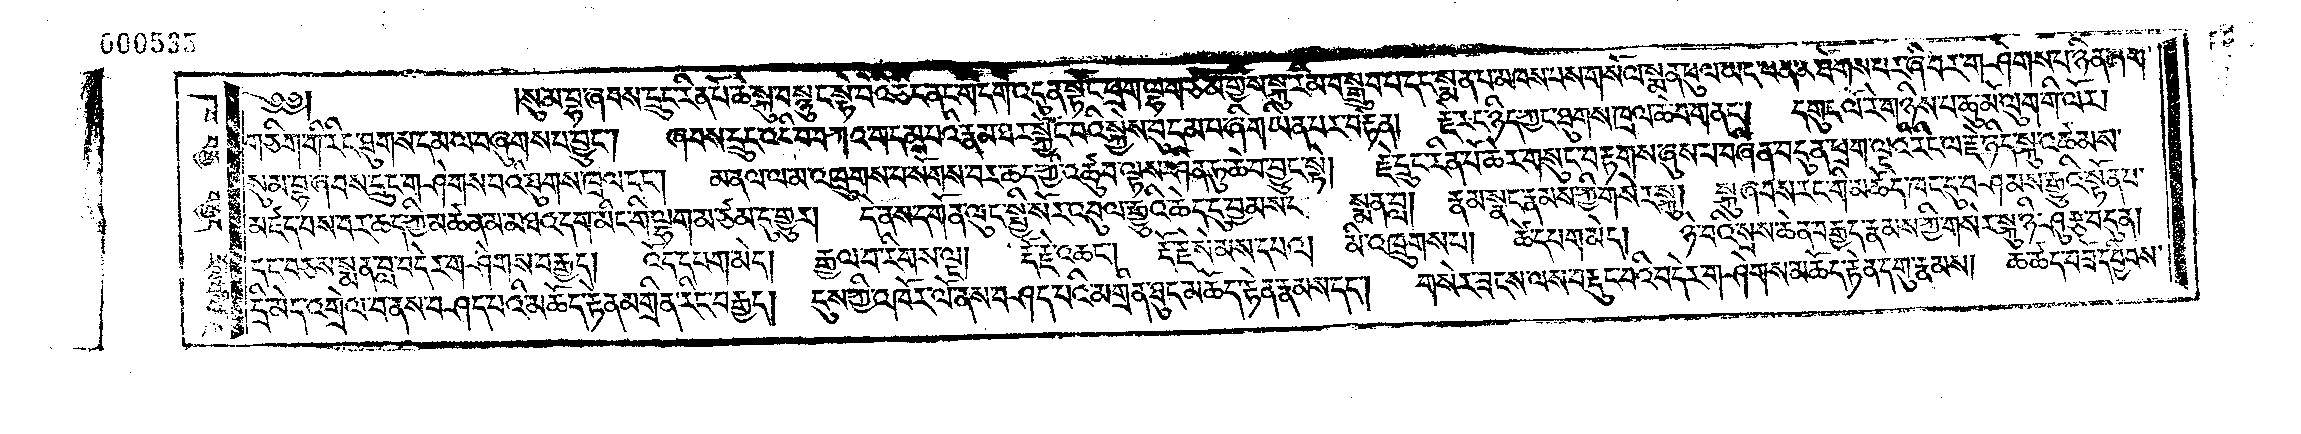༄༅། །སུམ་བྷ་ཞབས་དྲུང་རིན་པོ་ཆེ་སྐུ་བསྙུང་སྟེ་བེའི་ཅིང་ནང་གི་དགེ་འདུན་སྟོང་ཕྲག་ལྷག་ཙམ་གྱིས་སྐུ་རིམ་བསྒྲུབ་པ་དང་སྨན་པ་མཁས་པས་གསོལ་སྨན་ཕུལ་ཡང་ཕན་མ་ཐོགས་པར་ཞི་བར་གཤེགས་པ་ཉིན་ཞག་
གཅིག་གི་རིང་ཐུགས་དམ་ལ་བཞུགས་པ་བྱུང་། ཞབས་དྲུང་འདི་བ་བཀའ་གདམས་པའི་རྣམ་ཐར་སྐྱོང་བའི་སྐྱེས་བུ་དམ་པ་ཞིག་ཡིན་པར་བརྟེན། རྗེ་རང་ཉིད་ཀྱང་ཐུགས་ཁྲལ་ཆེ་བ་གནང་། དགུང་ལོ་རེ་གཉིས་པ་ཆུ་མོ་ལུག་གི་ལོར།
སུམ་བྷ་ཞབས་དྲུང་གཤེགས་པའི་ཐུགས་ཁྲལ་དང་། མནལ་ལམ་འཁྲུགས་པ་སོགས་བར་ཆད་ཀྱི་འཚུབ་ལྟས་ཤིན་ཏུ་ཆེ་བ་བྱུང་སྟེ། རྗེ་དྲུང་རིན་པོ་ཆེར་གསུང་བརྟགས་ཞུས་པ་བཞིན་བདུན་ཕྲག་ལྔའི་རིང་ལ་རྗེ་ཉིད་སྐུ་འཚམས་
མཛད་བས་བར་ཆད་ཀྱི་མཚན་མ་མཐའ་དག་མིང་གི་ལྷག་མ་ཙམ་དུ་གྱུར། དེ་ནས་དགོན་ལུང་སྤྱི་སོར་འབུལ་རྒྱུའི་ཆེད་དུ་བྱམས་པ། སྨན་བླ། རྣམ་སྣང་རྣམས་ཀྱི་གསེར་སྐུ། སྐུ་ཞབས་རང་གི་མཆོད་ཁང་དུ་བཤམས་རྒྱུའི་སྟོན་པ་
དང་བཅས་སྨན་བླ་བདེར་གཤེགས་བརྒྱད། འོད་དཔག་མེད། རྒྱལ་བ་རིགས་ལྔ། རྡོ་རྗེ་འཆང་། རྡོ་རྗེ་སེམས་དཔའ། མི་འཁྲུགས་པ། ཚེ་དཔག་མེད། ཉེ་བའི་སྲས་ཆེན་བརྒྱད་རྣམས་ཀྱི་གསེར་སྐུ་ཉི་ཤུ་རྩ་བདུན།
དྲི་མེད་འགྲེལ་བ་ནས་བཤད་པའི་མཆོད་རྟེན་མགྲིན་རིང་བརྒྱད། དུས་ཀྱི་འཁོར་ལོ་ནས་བཤད་པའི་མགྲིན་ཐུང་མཆོད་རྟེན་རྣམས་དང་། གསེར་ཟངས་ལས་བརྡུང་བའི་བདེར་གཤེགས་མཆོད་རྟེན་དགུ་རྣམས། ཆ་ཚད་བཟོ་དབྱིབས་